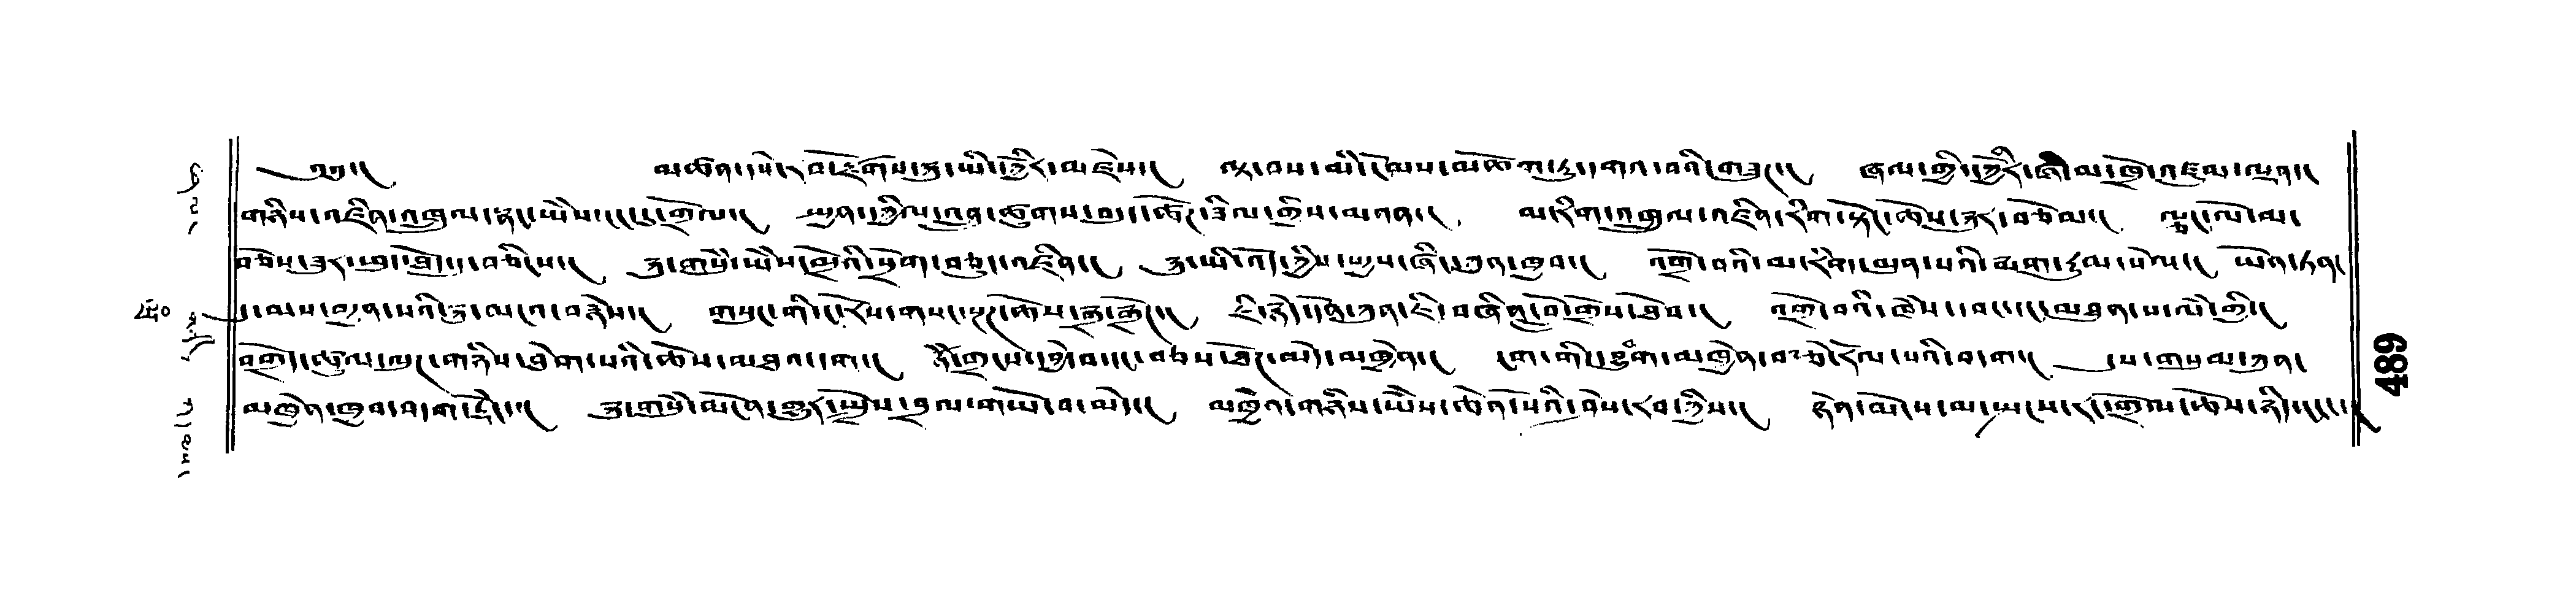།མཚན་དཔེ་རབ་རྫོགས་སྐུ་ཡི་དཀྱིལ་འཁོར་མཛེས། །ལྟ་བས་མི་ངོམས་མཆོག་ཏུ་དགའ་བའི་གཟུགས། །ཞལ་གྱི་དཀྱིལ་འཁོར་ཞི་མ་ཁྲོ་འཛུམ་ལྡན། །
གཉིས་འཛིན་འཁྲུལ་སྣང་ཡེ་ཤེས་ངང་དུ་གྲོལ། །སྤྱན་དཀྱིལ་འབྲུ་ཚུགས་བདུད་ཚོགས་ཟིལ་གྱིས་གནན། །མ་རིག་འཁྲུལ་འཛིན་རིག་སྟོང་ཆོས་སྐུར་བཅོམ། །ལྕང་ལོ་མ་
བཅོས་ཟུར་ཕུད་ཐོད་དུ་བཅིངས། །སྐུ་གསུམ་ཡེ་ཤེས་མཁའ་འགྲོའི་སྲོག་བཅུད་འཛིན། །སྐུ་ཡི་འོད་ཀྱིས་སངས་རྒྱས་ཞིང་ཀུན་ཁྱབ། །འགྲོ་བའི་མ་རིག་མུན་པའི་སྨག་རུམ་སེལ། །ཡོན་ཏན་
དུ་མས་བརྒྱན་པའི་སྐུ་མངའ་བརྙེས། །གསུང་གི་ང་རོས་གསང་སྔགས་ཆོས་སྒྲ་སྒྲོག །ཇི་སྙེད་དོན་ཀུན་ཇི་བཟིན་བློ་གྲོས་ཐོབ། །འགྲོ་བའི་ཁམས་དབང་དང་མཐུན་ས་ལམ་གྱི།
བགྲོད་ཚུལ་ལུགས་གཉིས་ཐེག་པའི་ཆོས་མཐའ་དག །རྣམ་གྲངས་དབྱེ་བ་དང་བཅས་ཐོགས་མེད་མཁྱེན། །ངག་གི་དབང་ཕྱུག་མཁྱེན་བརྩེ་རོལ་པའི་བདག །དུས་གསུམ་ཀུན་
མཁྱེན་ཁྱབ་བདག་རྡོ་རྗེ་འཆང་། །སྐུ་གསུམ་མངོན་གྱུར་སྤྲོས་བྲལ་གཡོ་བ་མེད། །མཁྱེན་གཉིས་ཡེ་ཤེས་ཆེན་པོའི་ཤེས་རབ་ཀྱིས། །ཉོན་མོངས་མ་སྤངས་རང་གྲོལ་ཆོས་ཉིད་ངང་།